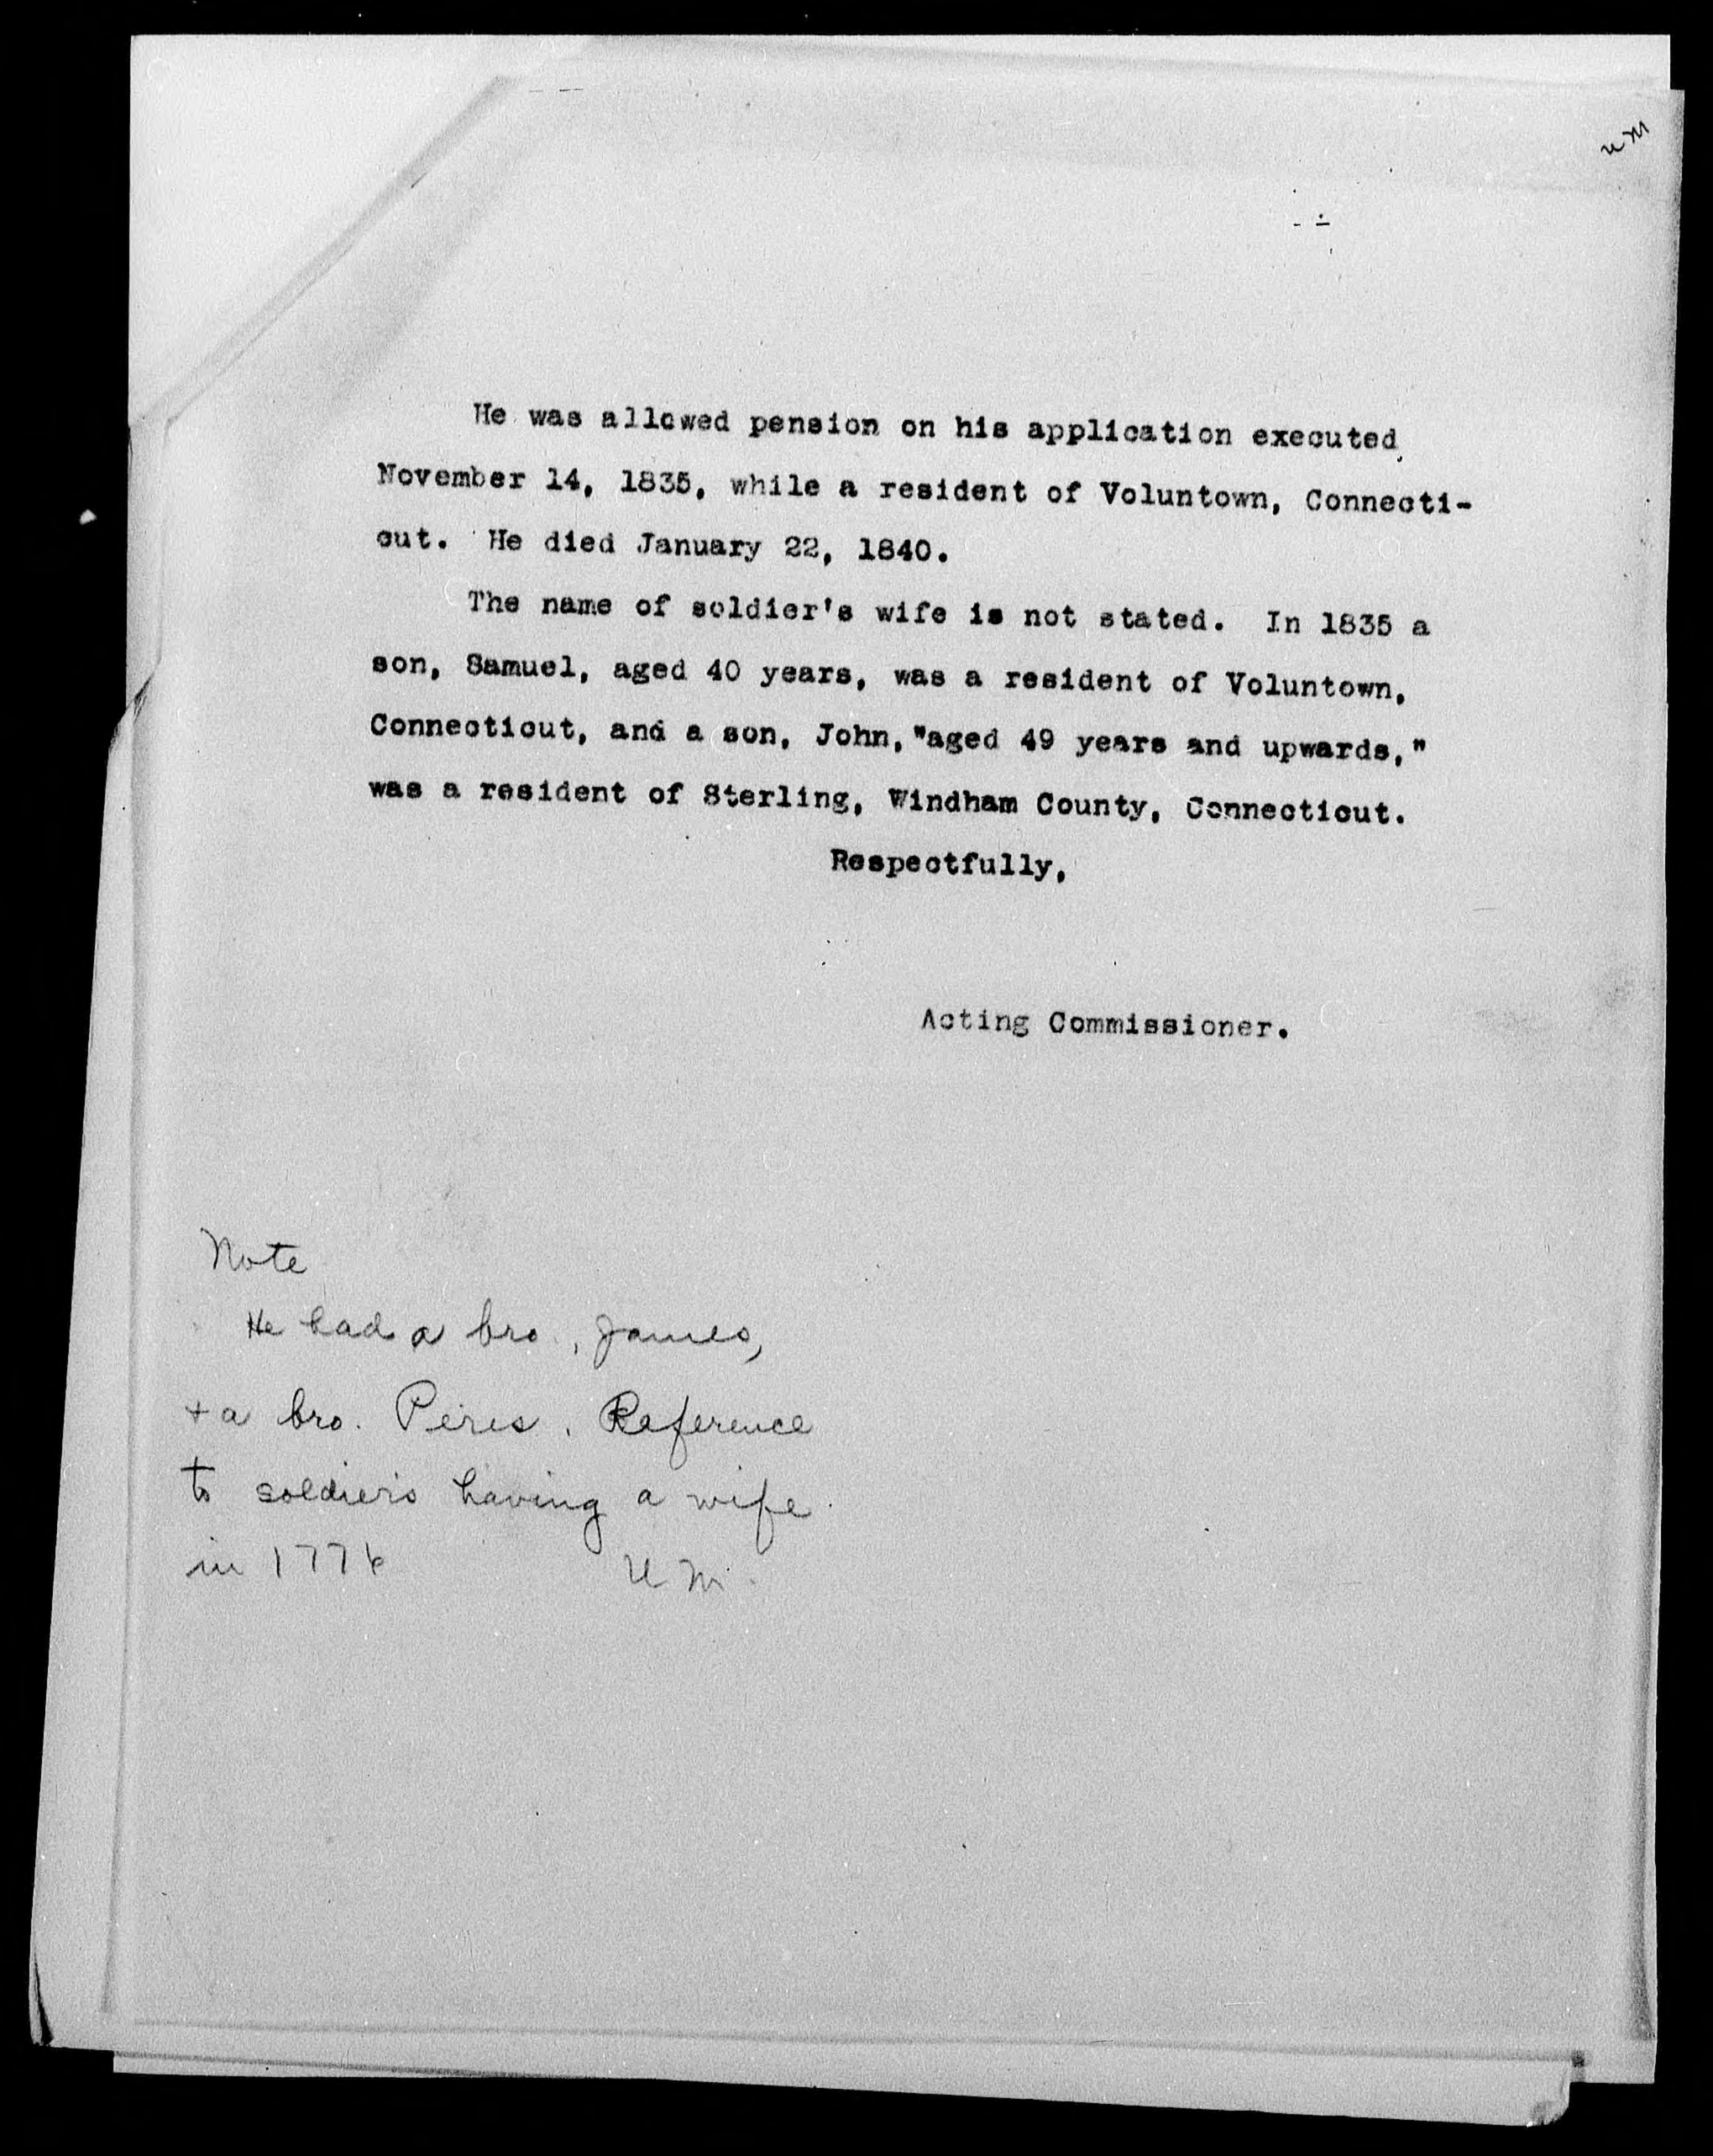He was allowed pension on his application executed November 14, 1835, while a resident of Voluntown, Connecticut. 
He died January 22, 1840.
The name of soldier's wife is not stated. In 1838 a son, Samuel, aged 40 years, was a resident of Voluntown,
Connecticut, and a son, John, aged 49 years and upwards,"
was a resident of Sterling, Windham County, Connecticut.
Respectfully, Acting Commissioner,
Note
He had a bro, James,
& a bro. Peris, Reference
to soldiers having a wife
in 1776  UM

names: James, Peres, John, Samuel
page: 37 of 37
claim: survivor's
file: S. 12,281, William Briggs, Conn.